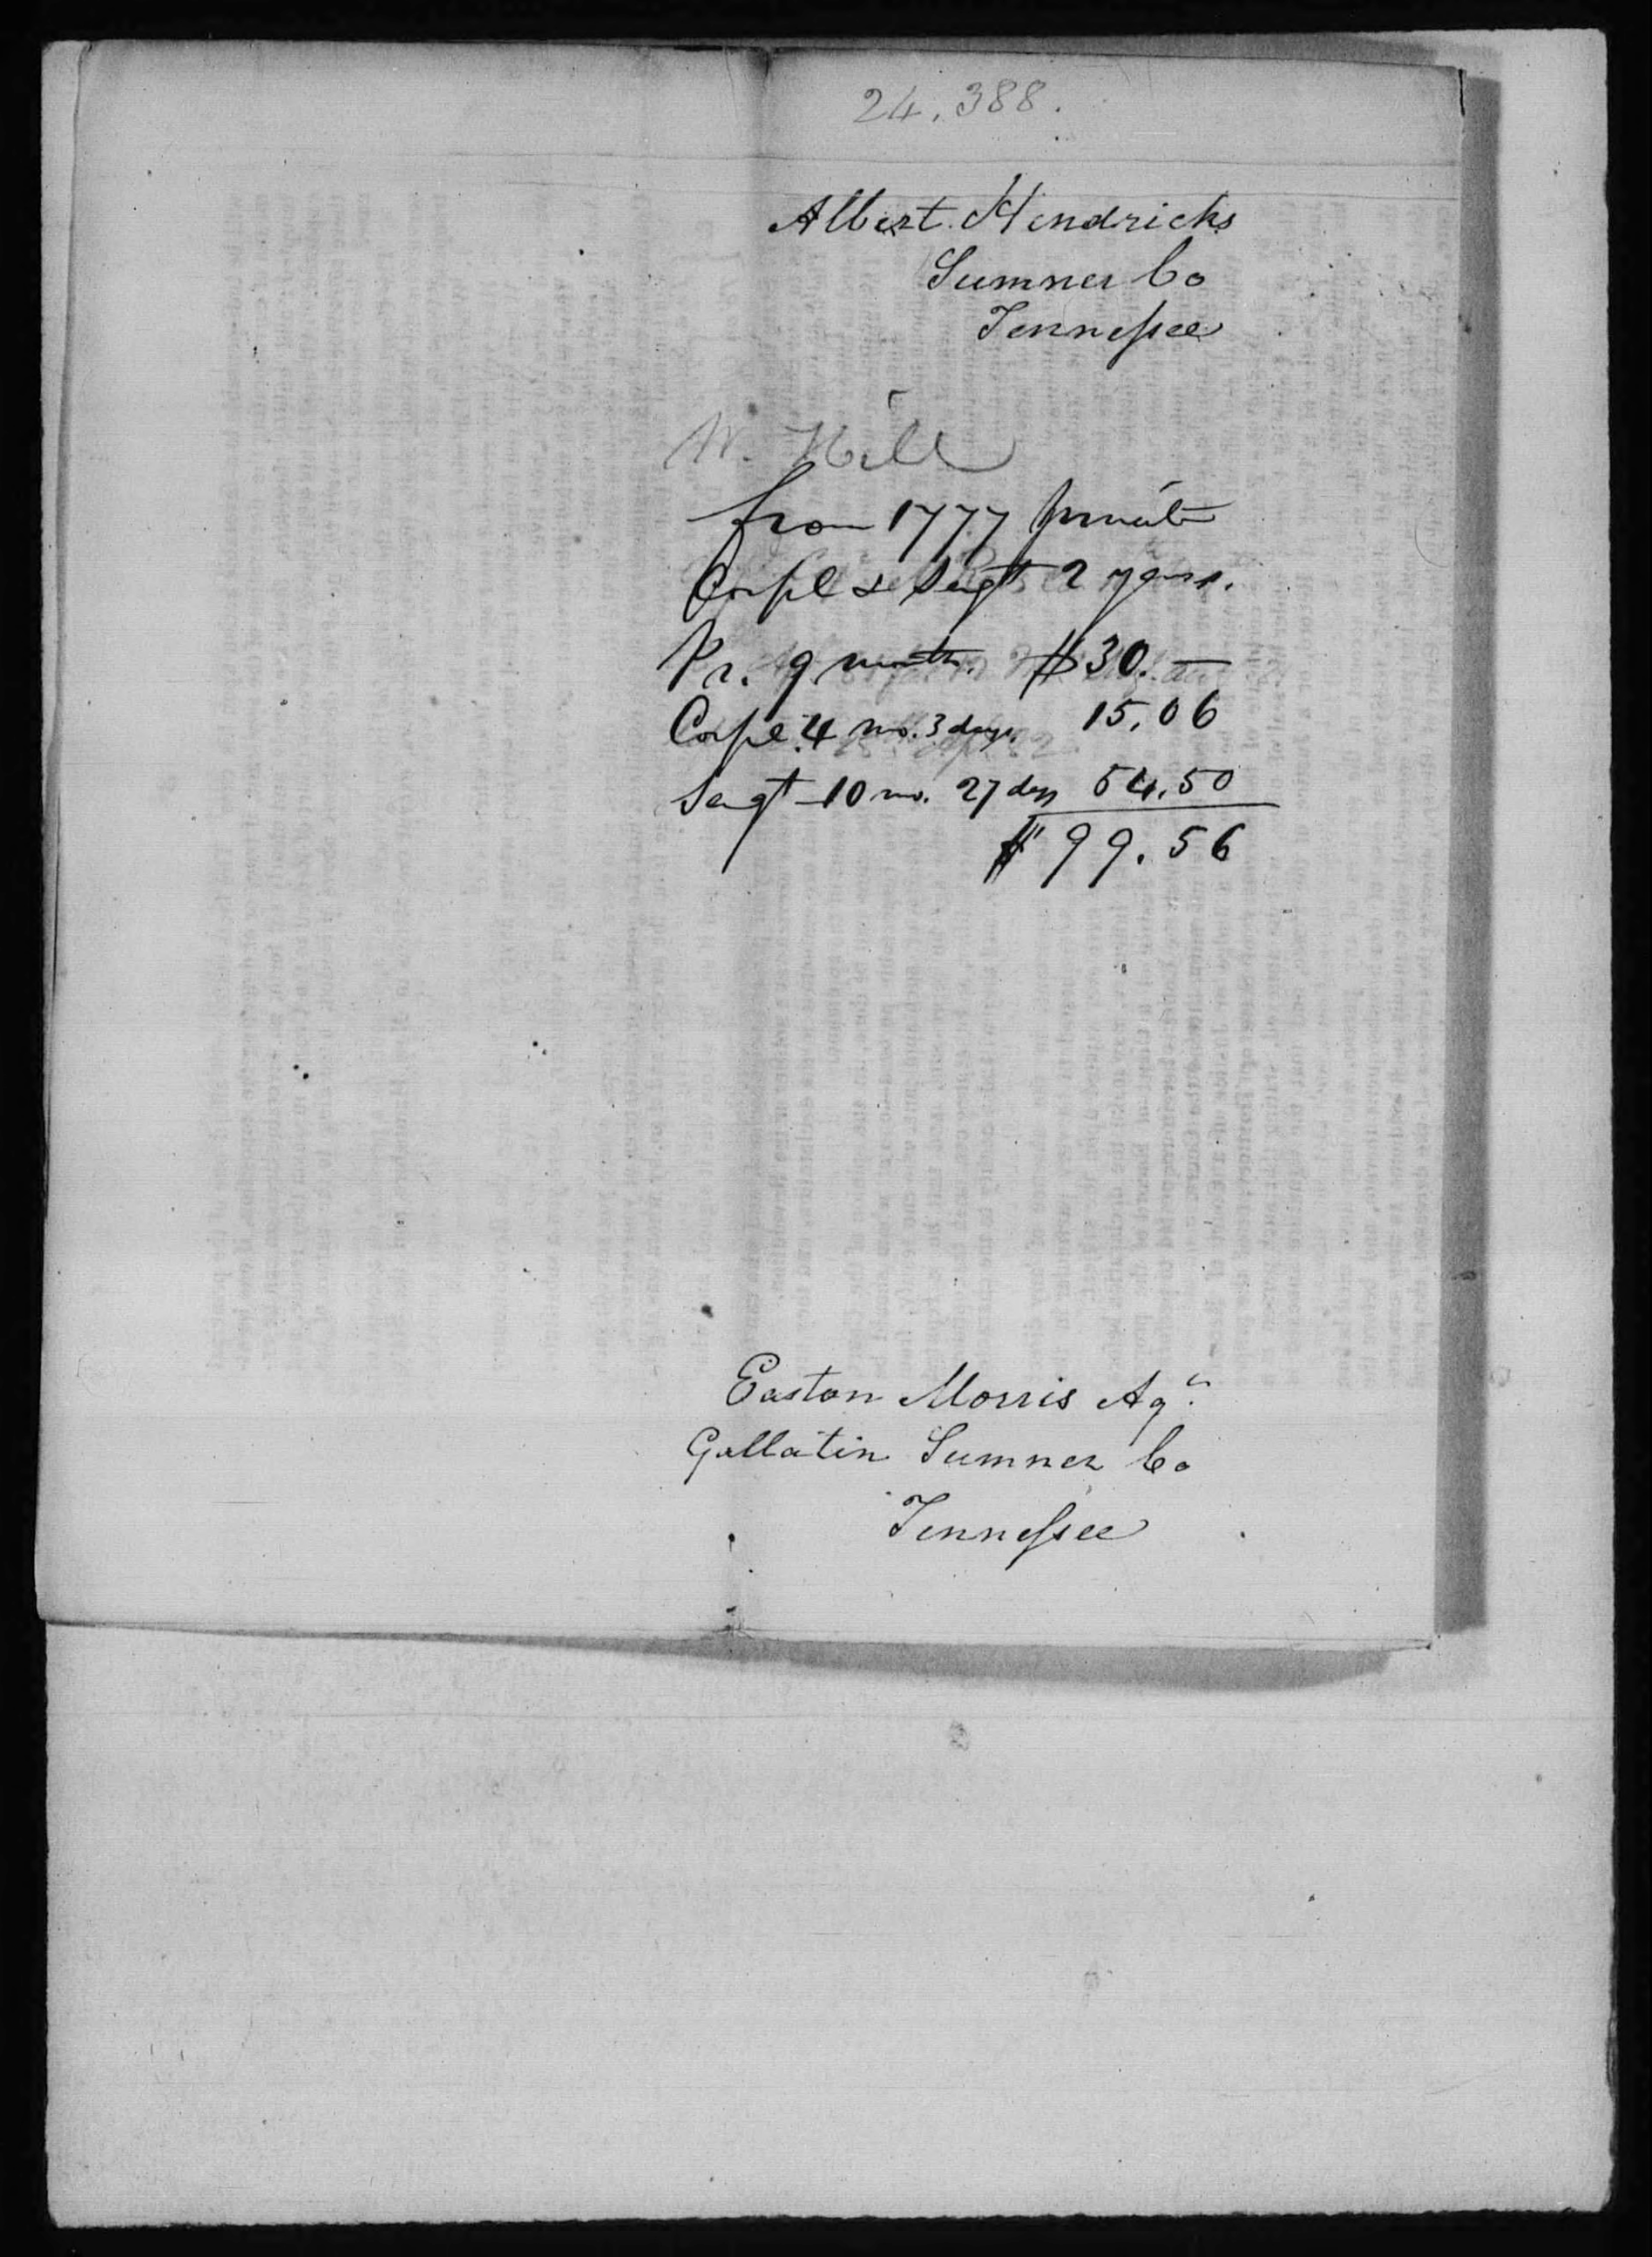24.388
Albert Hendricks
Sumner Co. Tennessee

W. Hill
from 1777 private
corpl & Segt, 2 years
Pa. 9 months   $30 __
Corpl 4 mo. 3 days  15.06
Segt.  10 mo. 27 days  56.60
[total]  $99.56

Easton Morris Agt.
Gallatin Sumner Co.
Tennessee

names: W Hill, Albert Hindricks, Easton Morris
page: 9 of 76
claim: widow's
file: W. 83, Albert Hendricks, Continental Md. N.C.